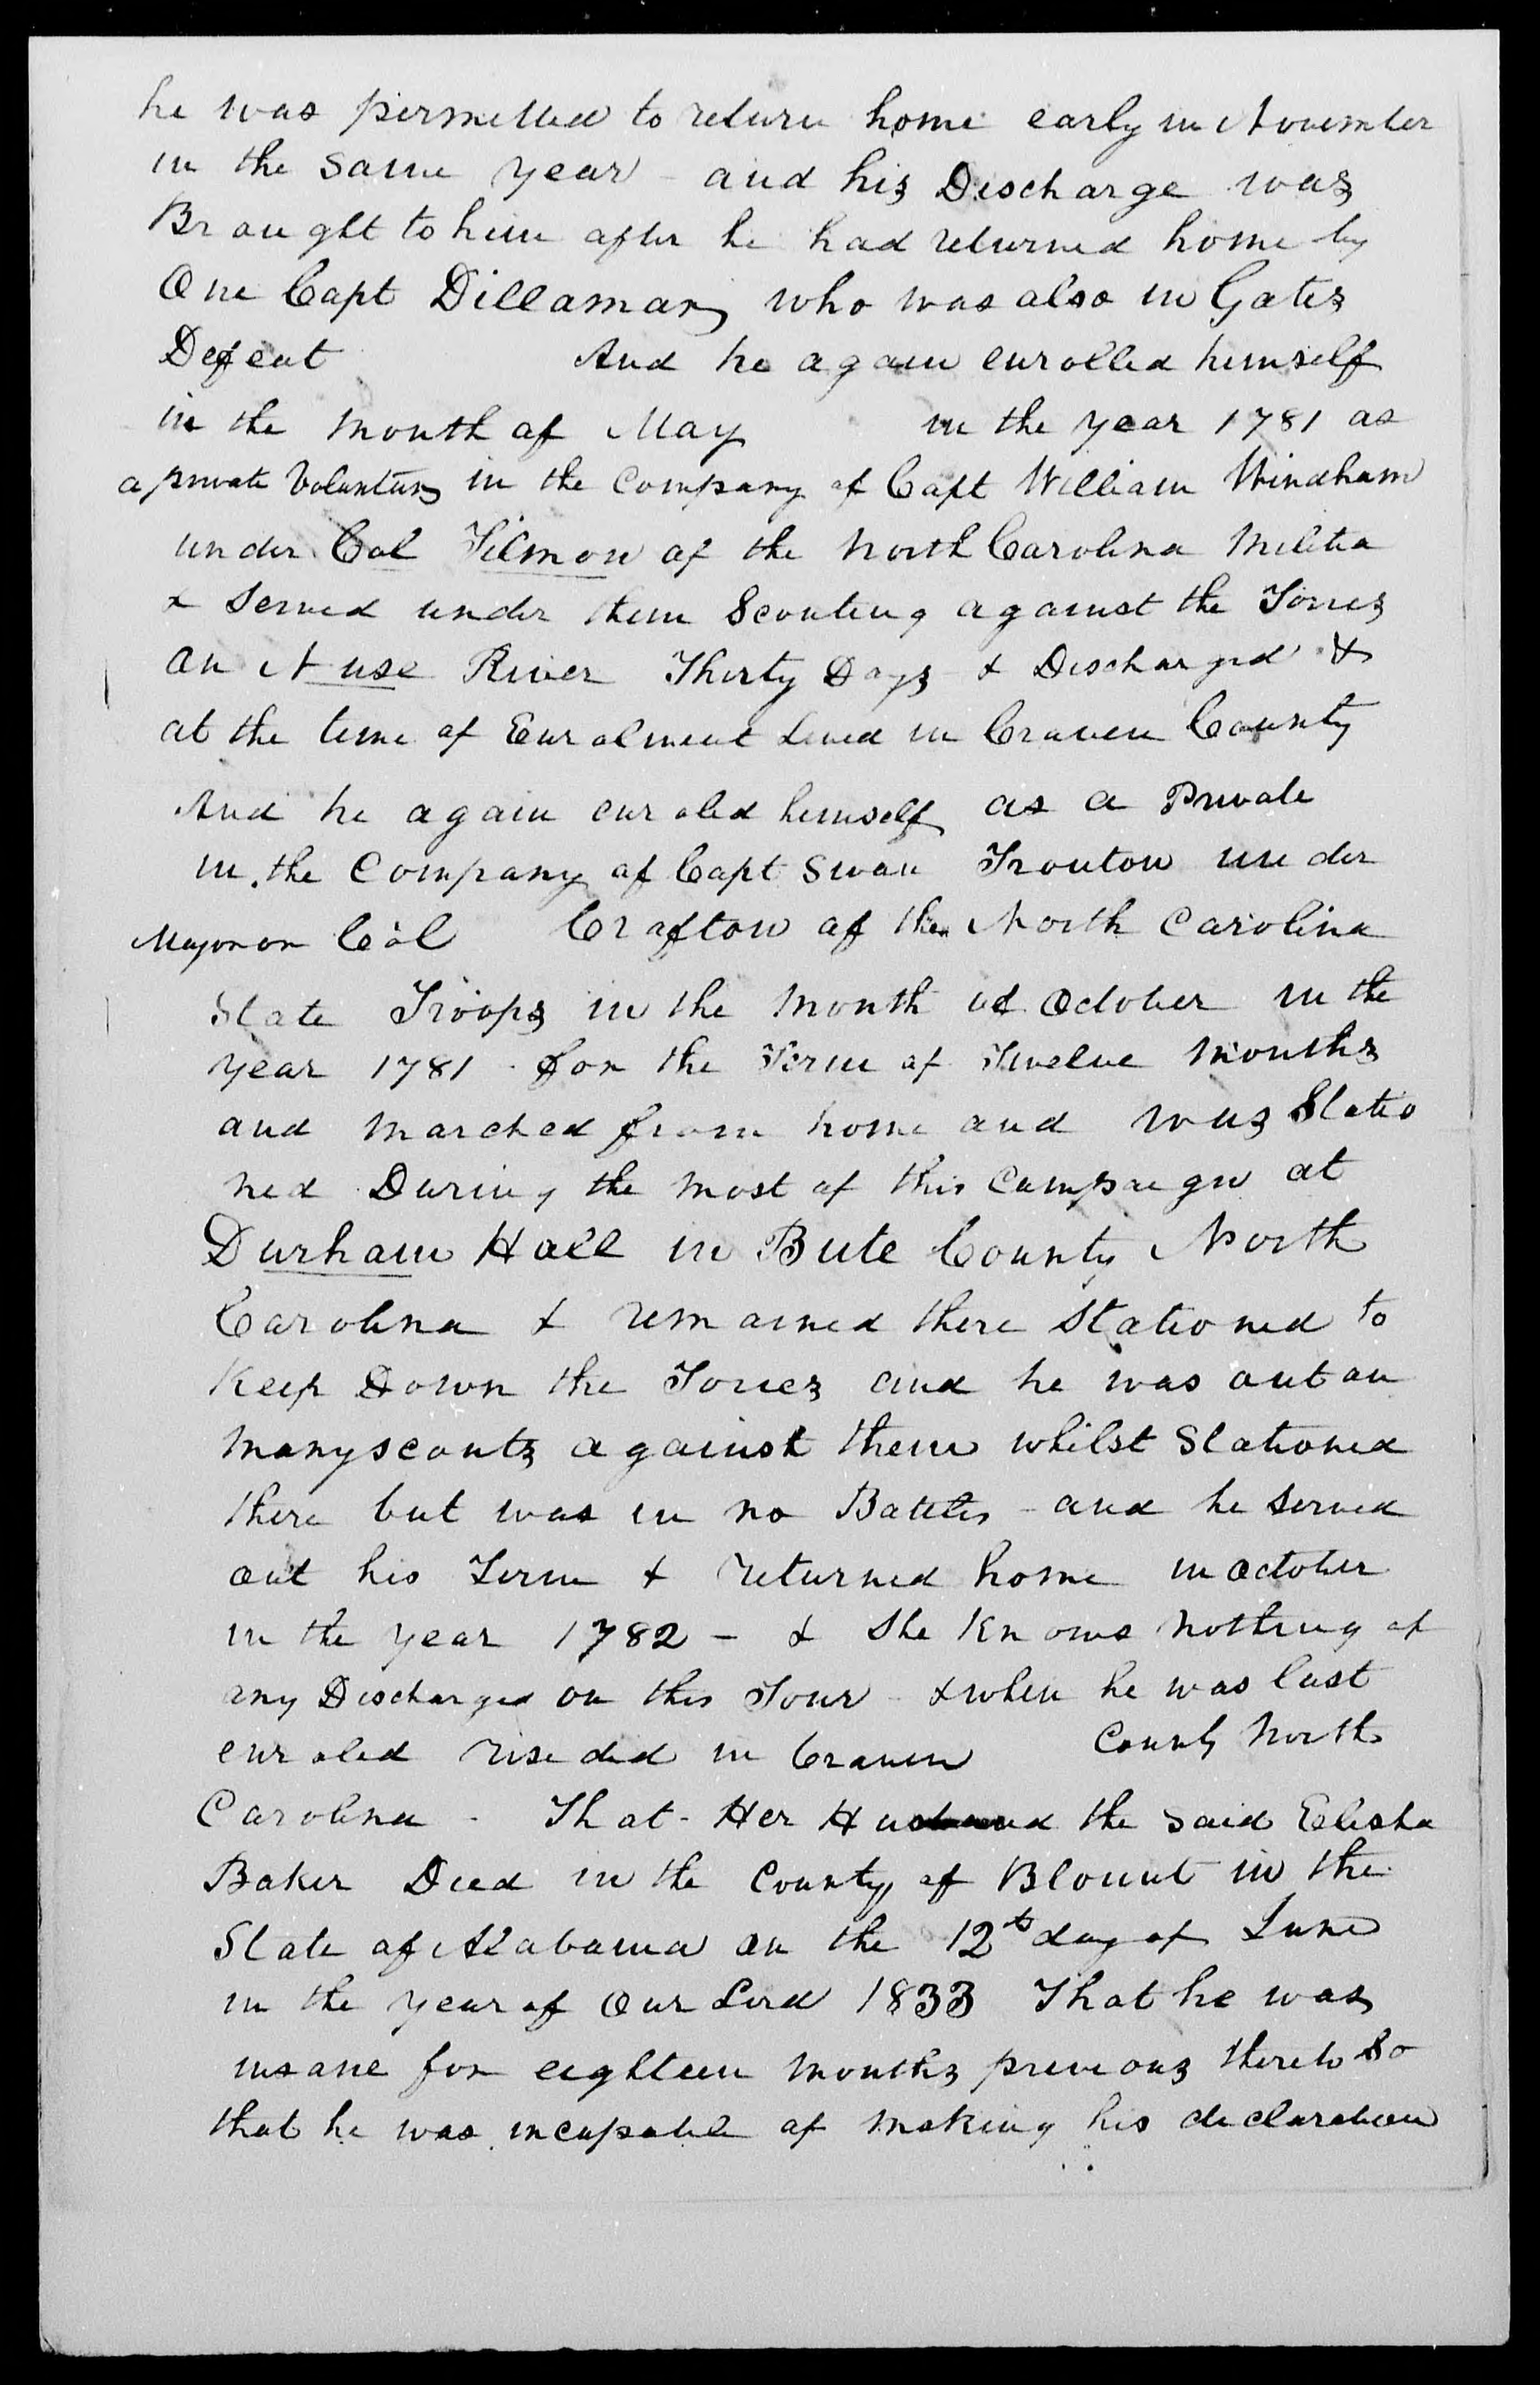he was permitted to return home early in November in the same year - and his Discharge was Brought to him after he had returned home by One Capt Dillamar who was also in  Gates Defeat  And he again enrolled himself in the month of May in the year 1781 as a private Volunteer in the company of Capt William Windham under Col Tilmon of the North Carolina Militia & served under them Scouting against the Torres at Nuse [Neuse] River Thirty Days & Discharged & at the time of Enrolment lived in Craven County and he again enroled himself as a Private in the company of Capt Swan Trouton under Major Col Crafton of the North Carolina State Troops in the month of October in the year 1781 for the Term of Twelve months and marched from home and was Stationed During the most of the campaign at Durham Hall in Bute County North Carolina & remained there Stationed to Keep Down the Torres and he was out on many scouts against them whilst stationed there but was in no Battles - and he served out his Term & returned home in October in the year 1782 - & she knows nothing of any Discharge on this Tour & when he was last enroled resided in Craven County North Carolina - That Her Husband[crossed out] the said Elisha Baker Died in the County of Blount in the State of Alabama on the 12th day of June in the year of Our Lord 1833 That he was insane for eighteen months previous thereto so that he was incapable of making his declaration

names: William Windham, Dillamar, Swan Trouton, Elisha Baker, Crafton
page: 4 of 22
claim: rejected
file: R. 411, Elisha Baker, N.C.